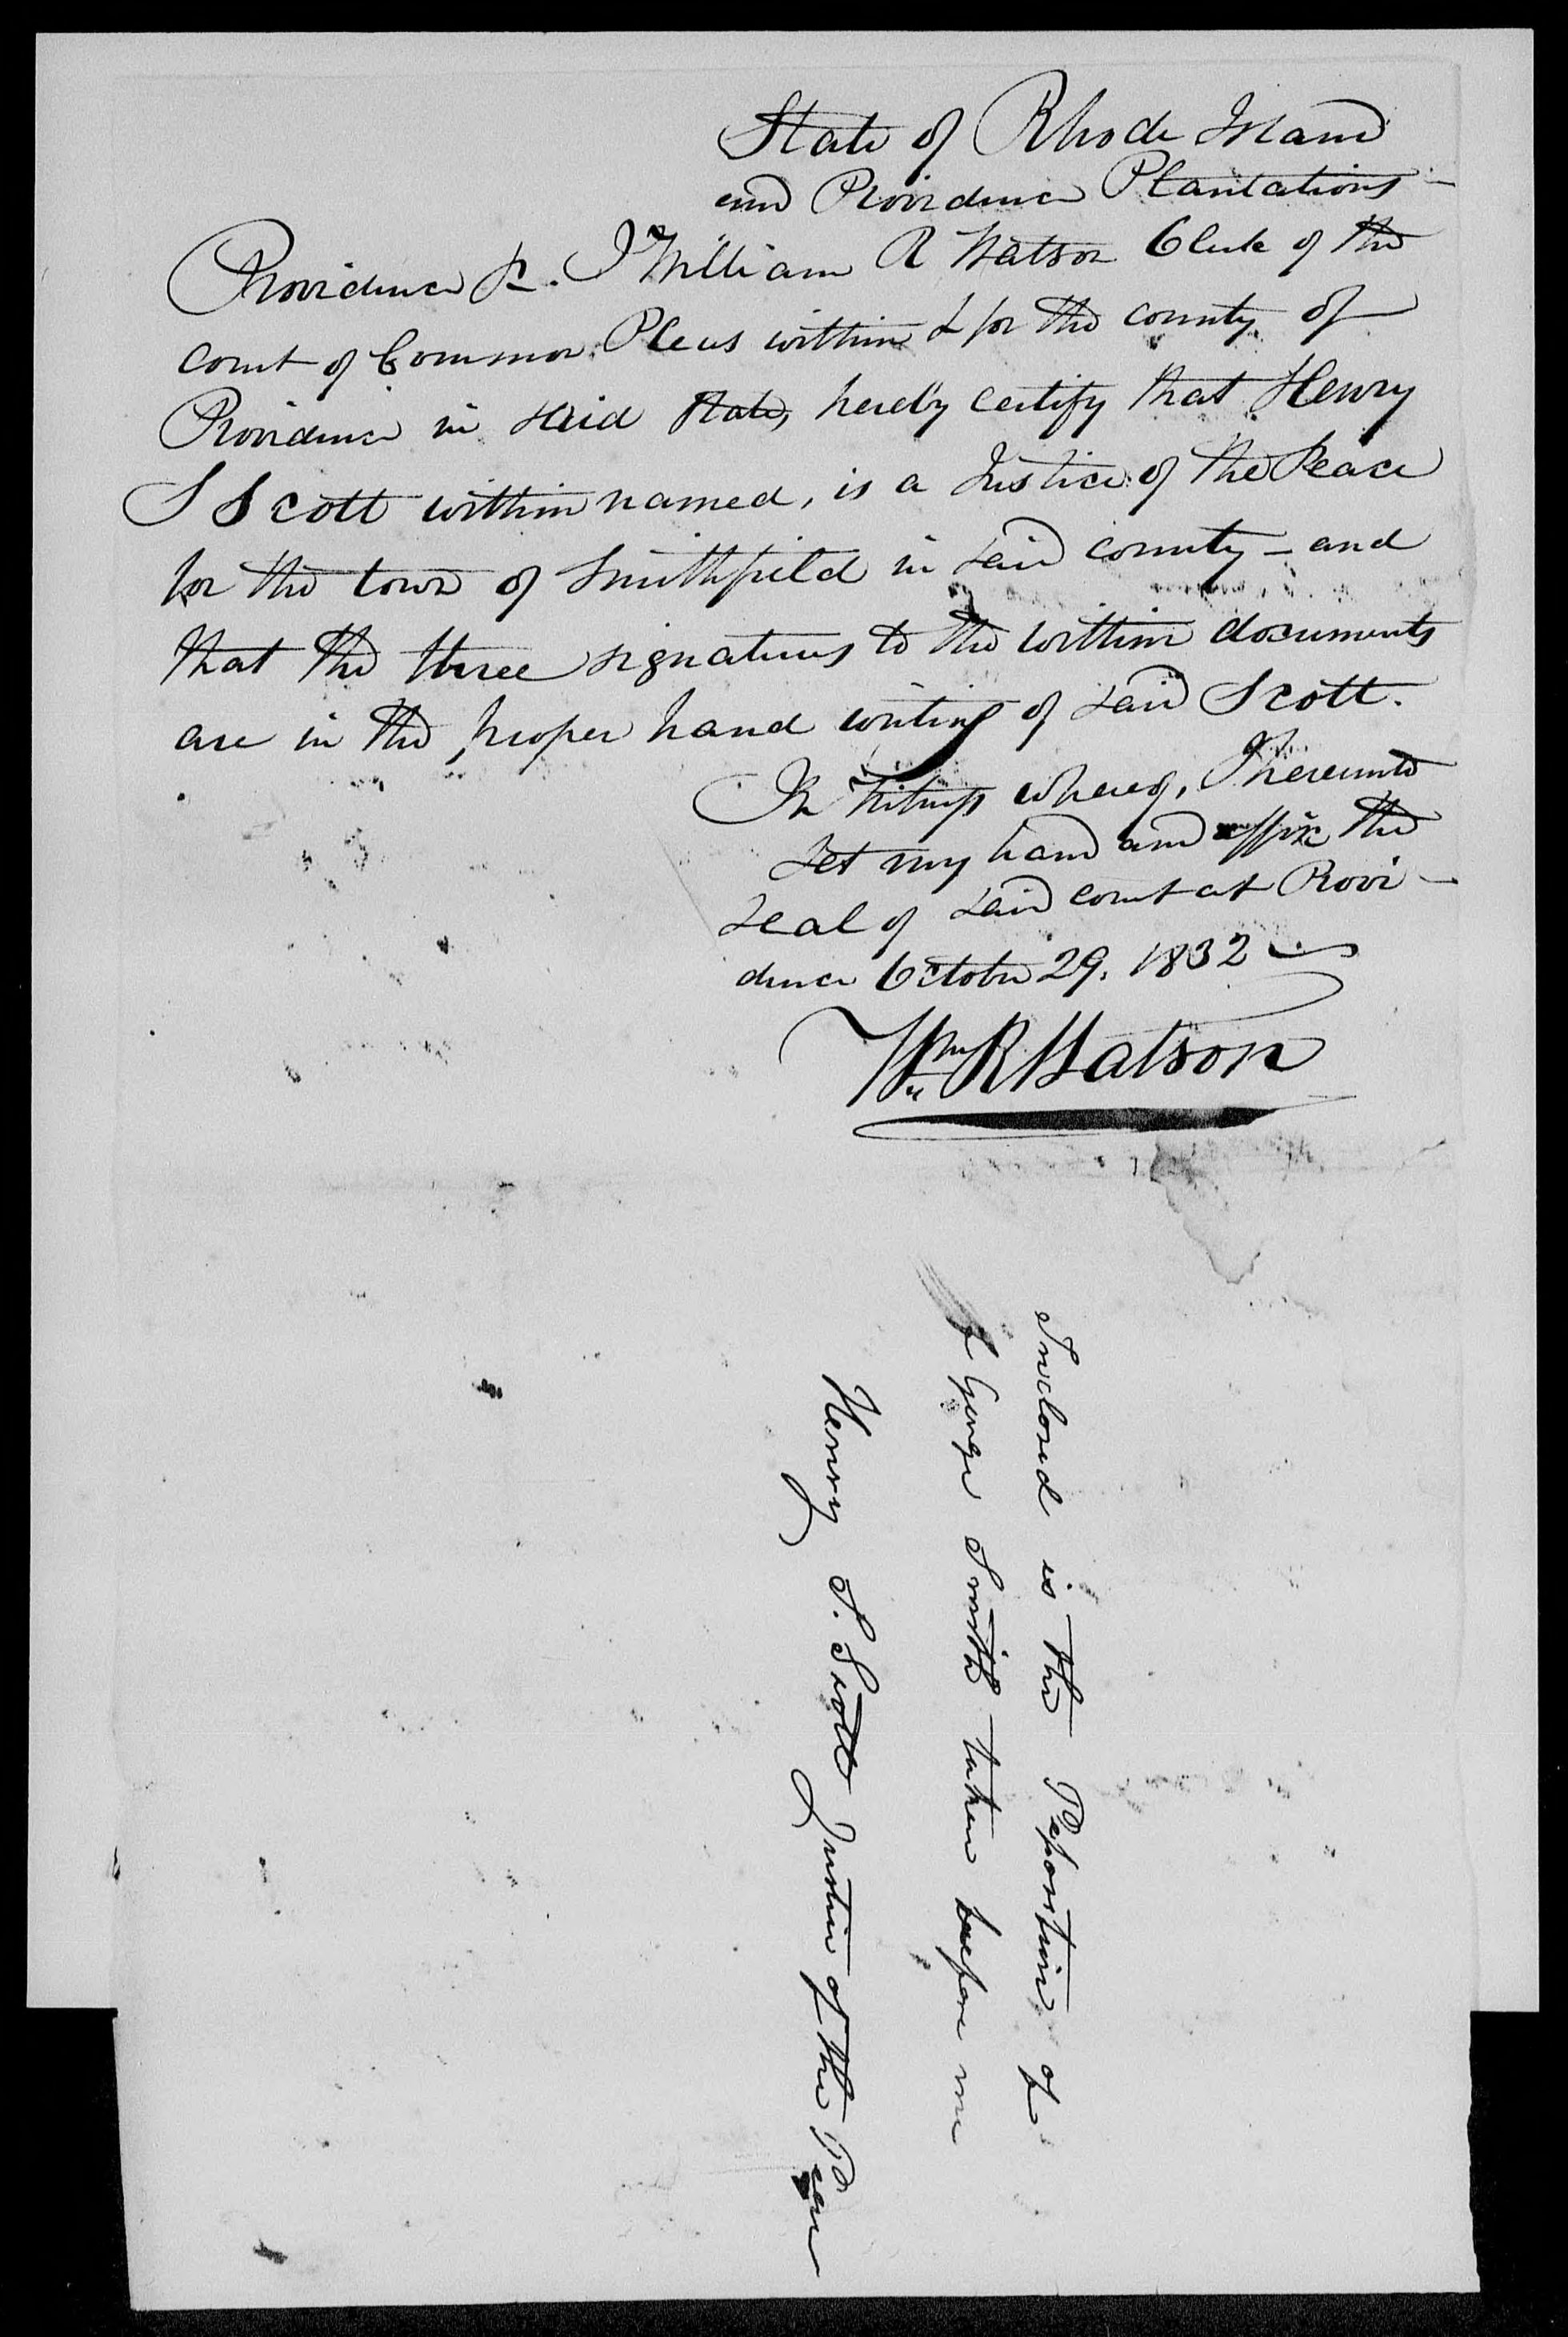State of Rhode Island and Providence Plantations - Providence Ss. I William R. Watson Clerk of the Court of Common Pleas within & for the county of Providence in said state, hereby certify that Henry S. Scott within named, is a Justice of the Peace for the town of Smithfield in said county, and that the three signatures to the within documents are in the proper hand writing of said scott. In witness whereof I hereunto set my hand and affix the seal of said court of Providence 6 October 29, 1832 Wm. R. Watson

Inclosed is the Deposition of of George Smith taken before me Henry S. Scott Justice of the Peace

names: Henry S Scott, Scott, William R Watson, George Smith, Wm R Watson, Henry S Scott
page: 28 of 35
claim: survivor's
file: S. 18374, Nathan Dexter, R.I.